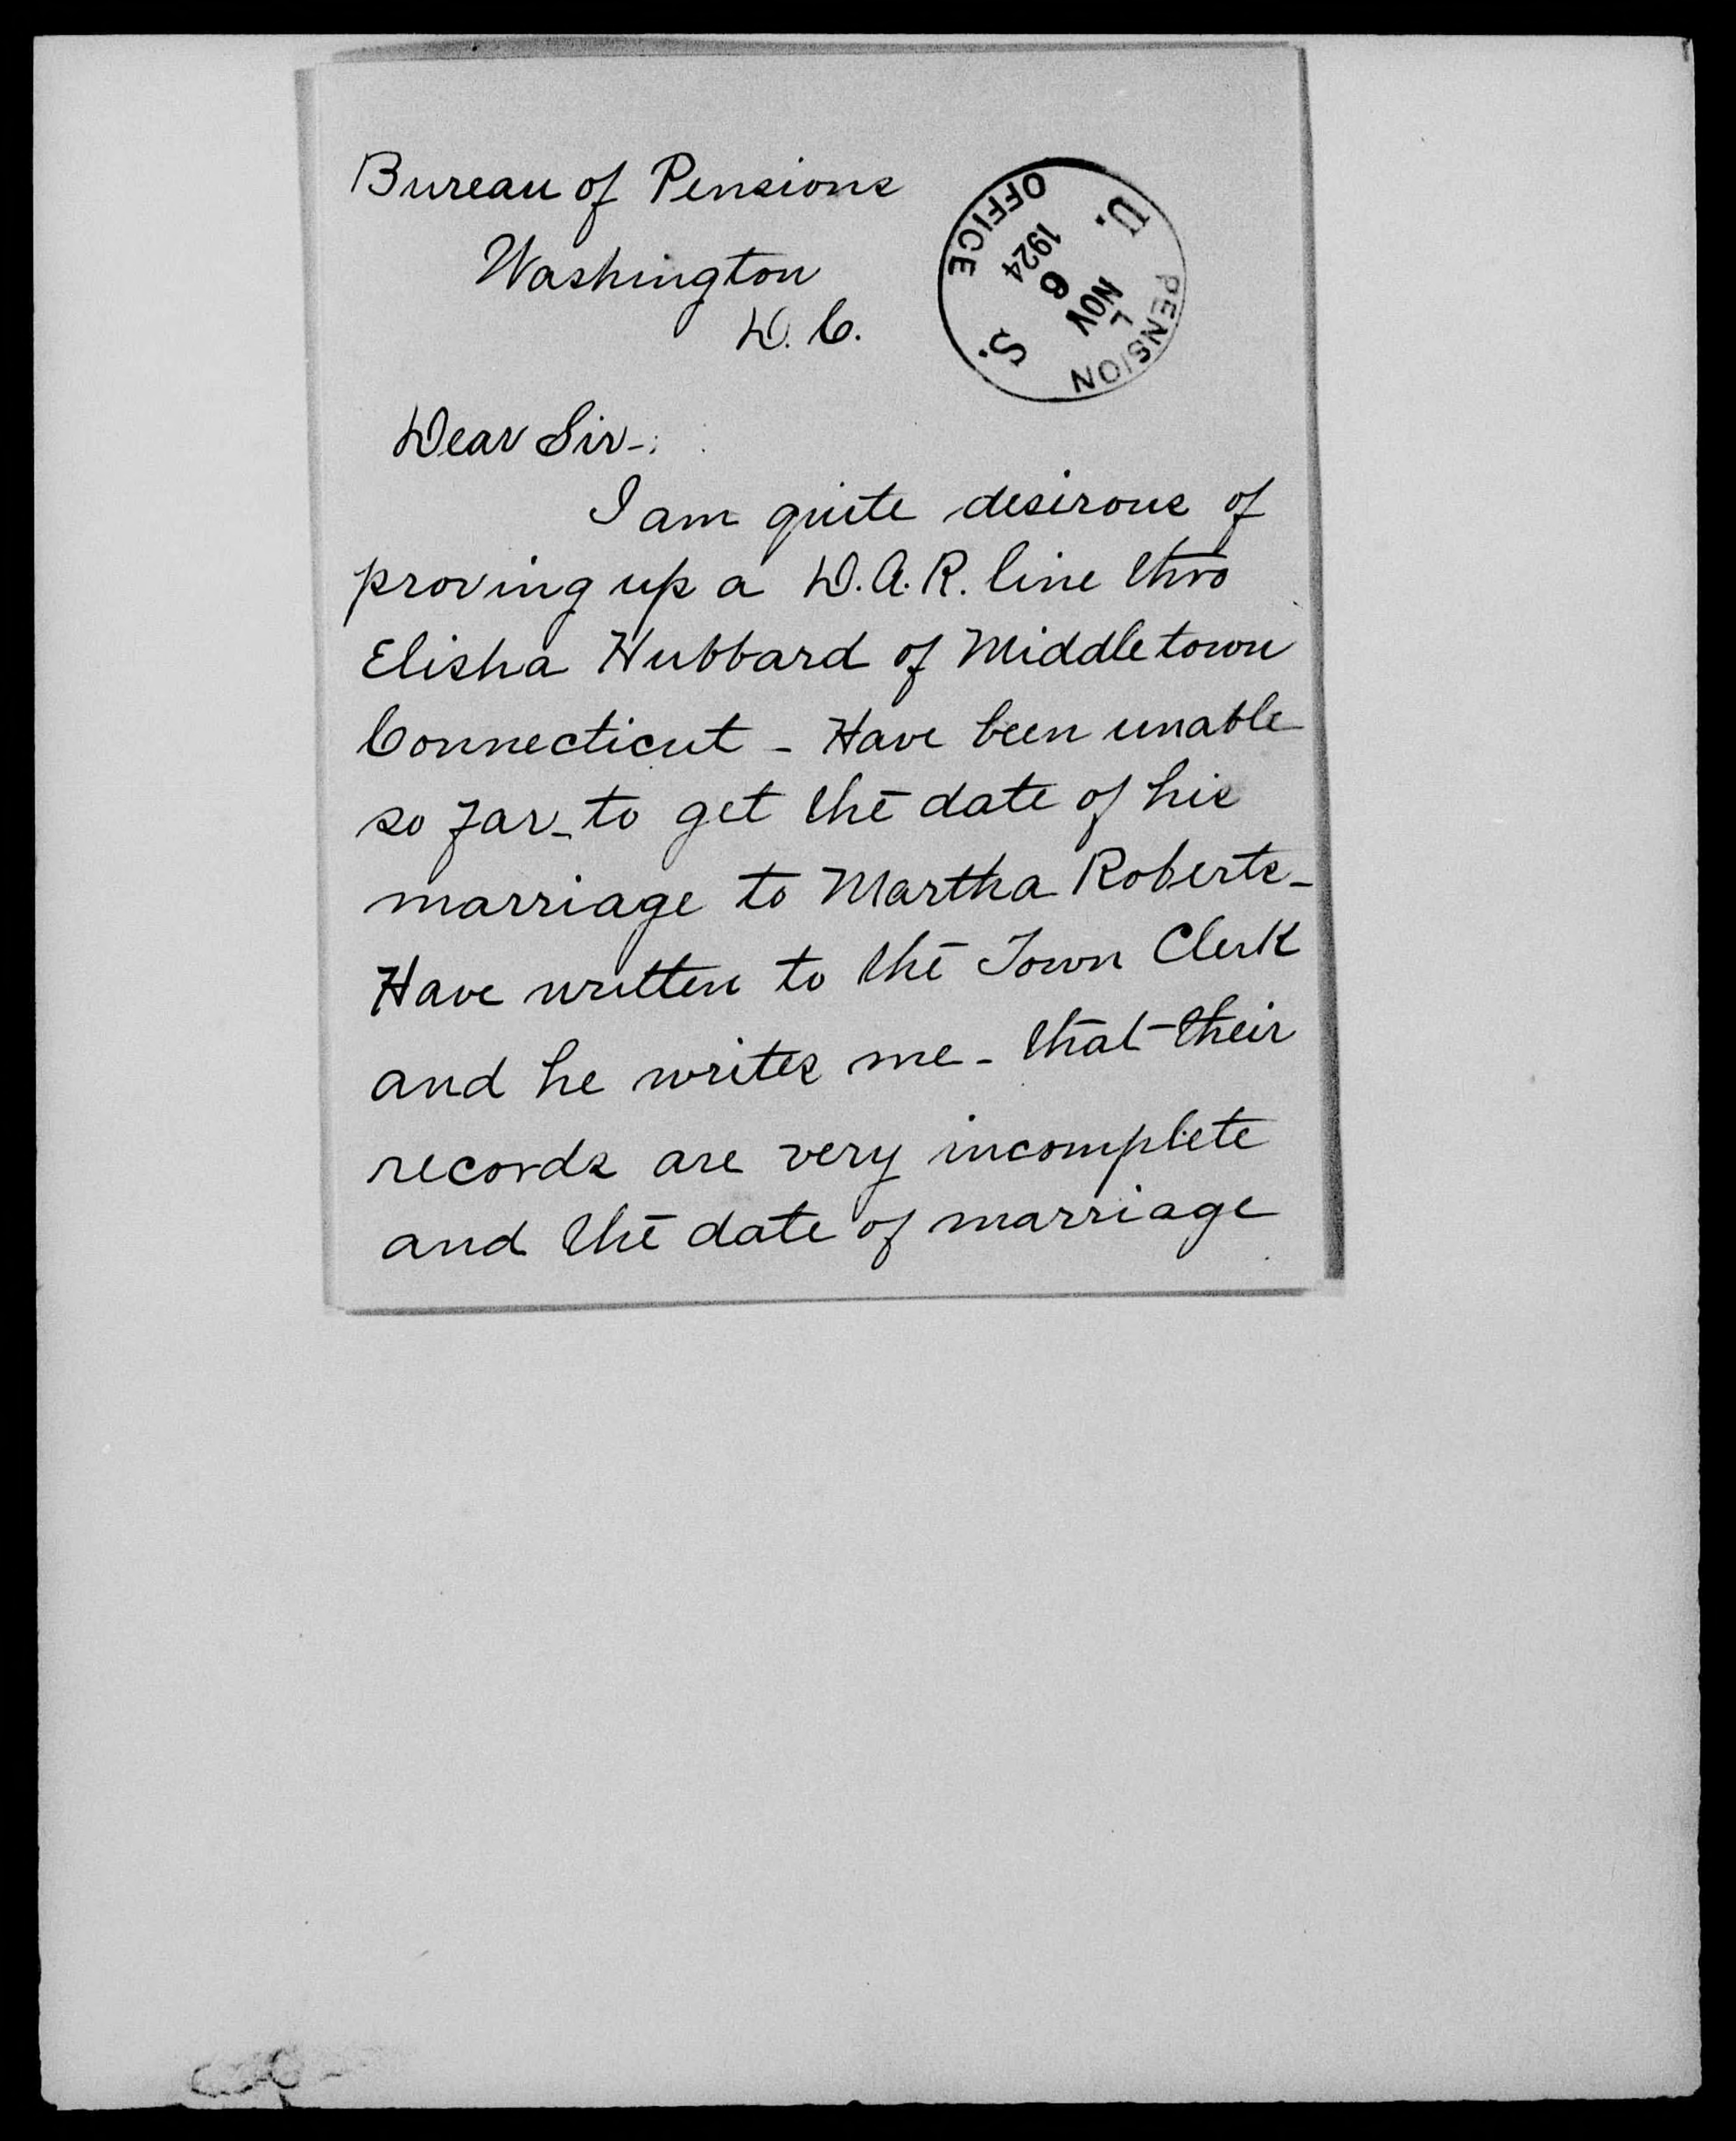Bureau of Pensions
Washington  D. C. 

Dear Sir - 

I am quite desirous of proving up a D A. R. line thru Elisha Hubbard of Middletown Connecticut - Have been unable so far to get the date of his marriage to Martha Roberts- Have written to the Town Clerk and he writes me that their records and very incomplete and the day of marriage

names: Martha Roberts, Elisha Hubbard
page: 20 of 63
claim: survivor's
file: S. 18457, Elisha Hubbard, Conn. Continental